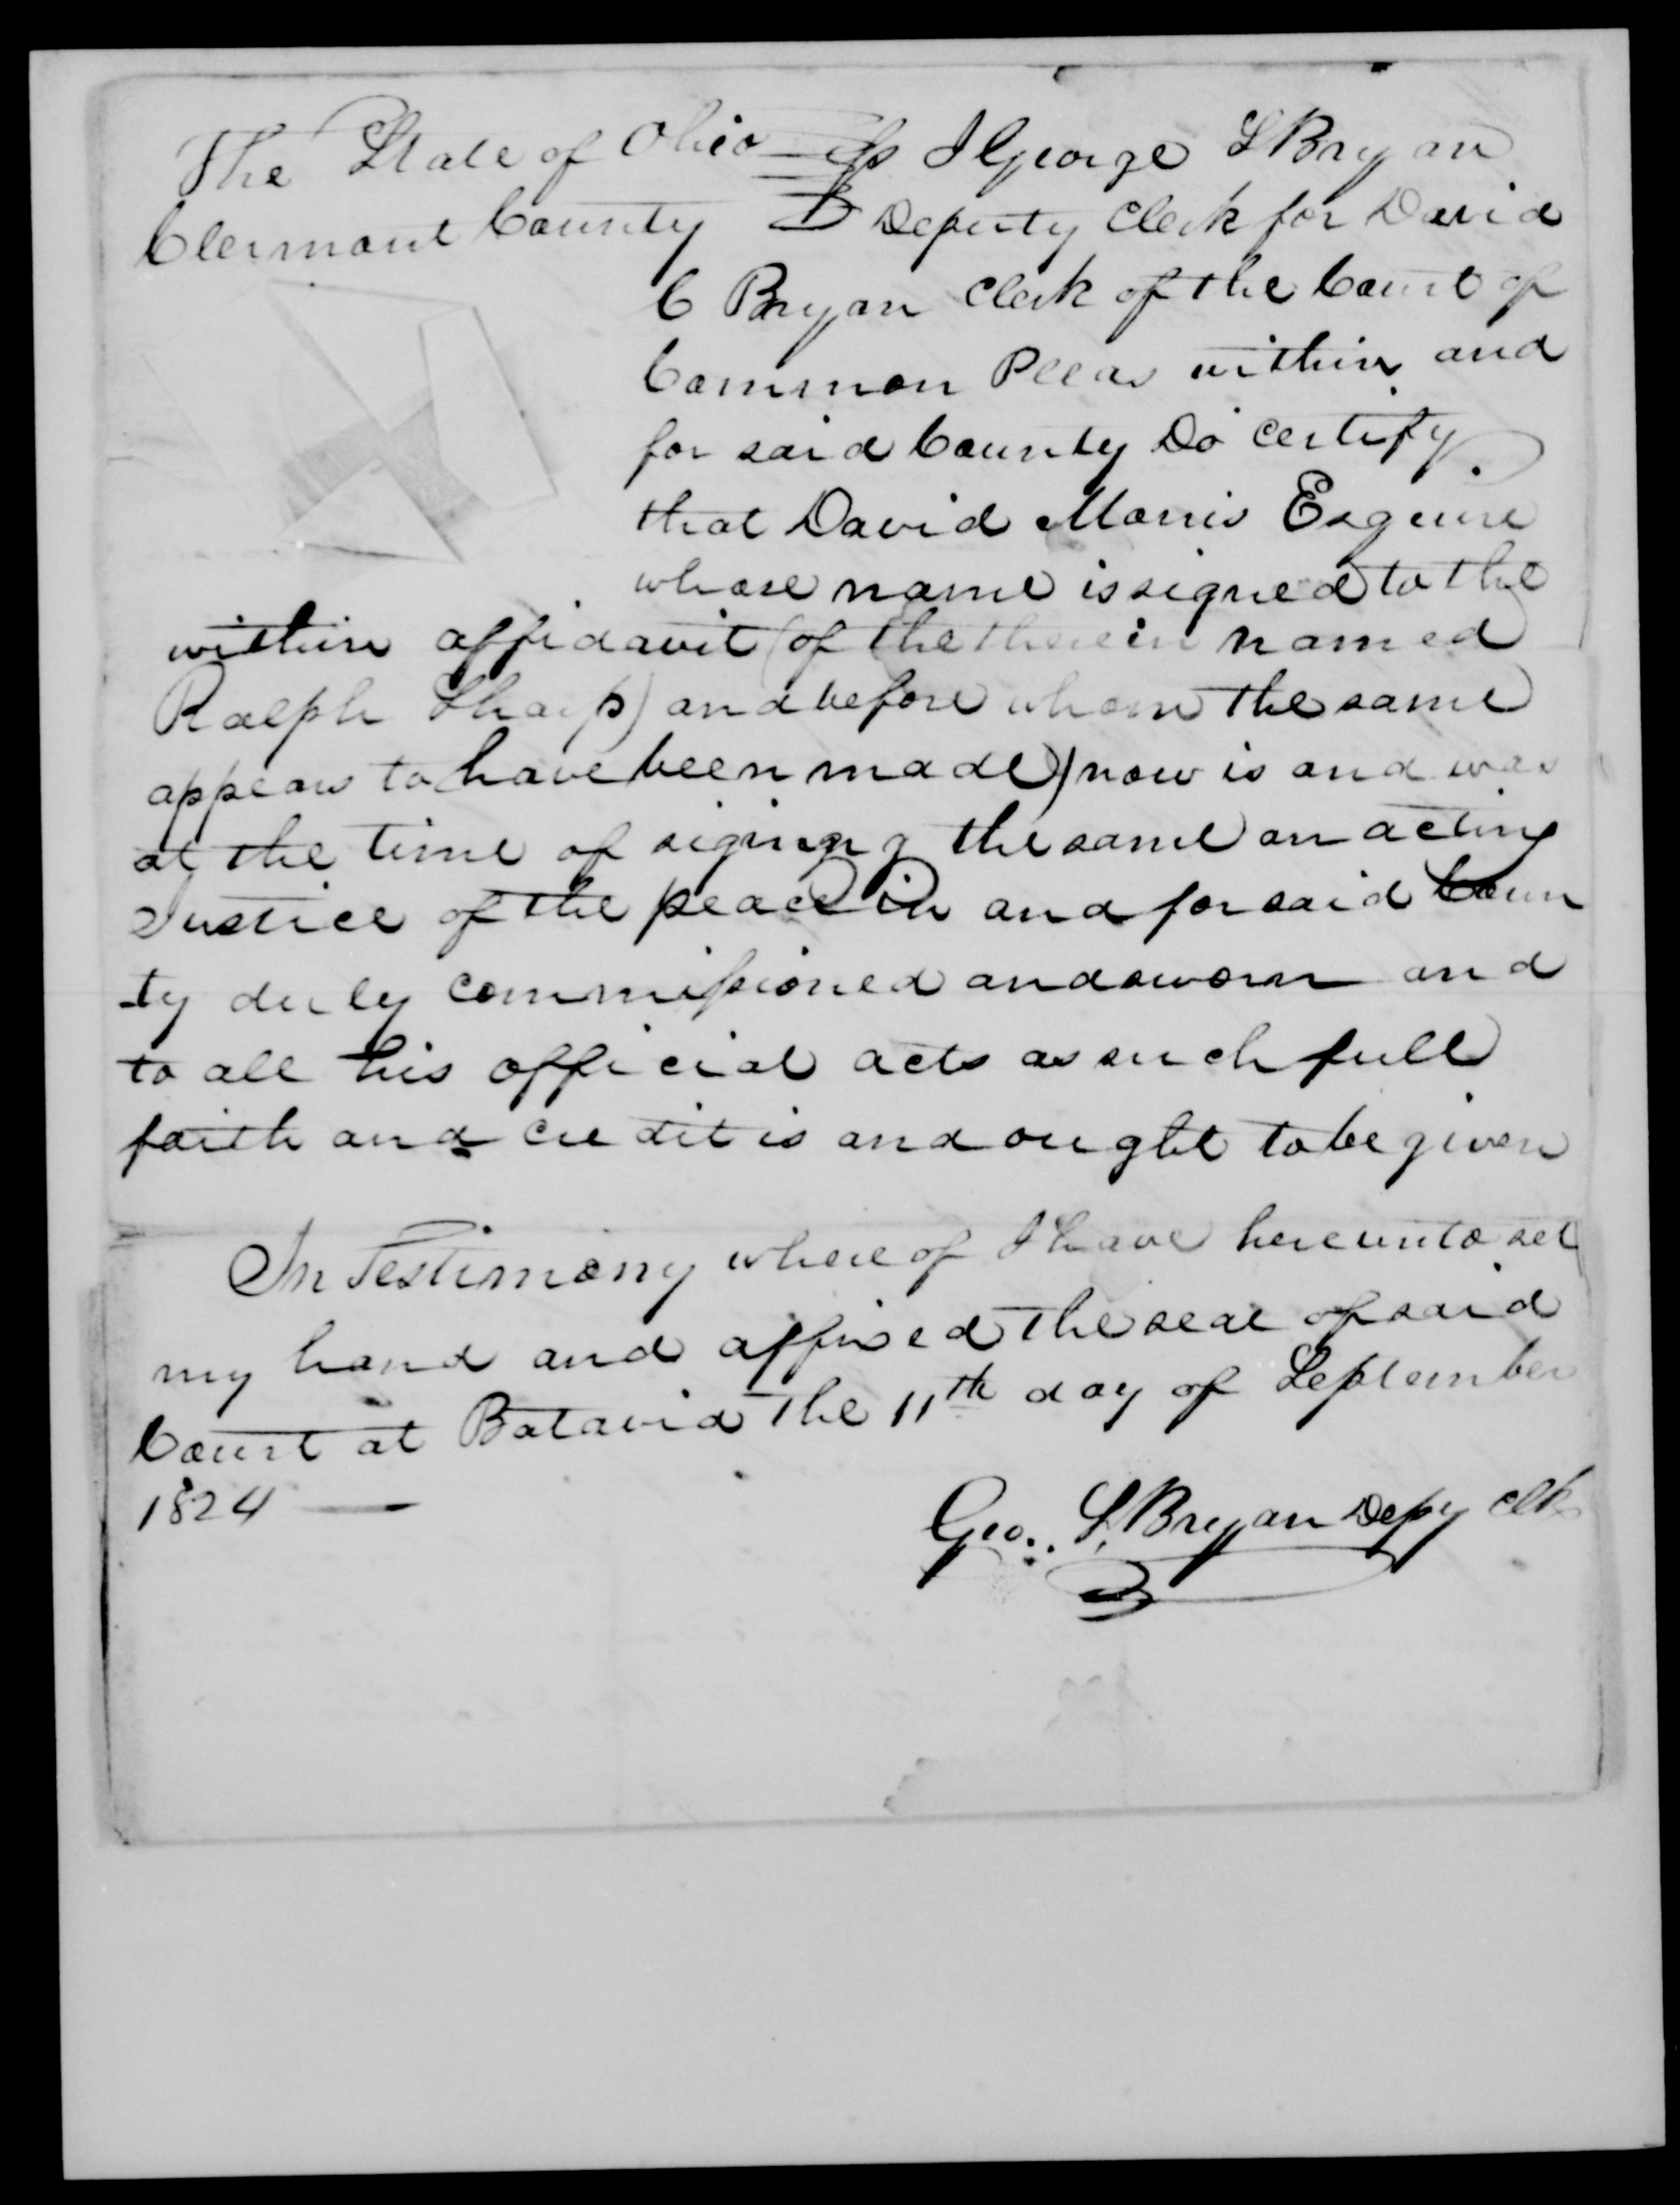The State of Ohio Clermont County } Ss I George L Bryan Deputy Clerk for David C Bryan Clerk of the Court of Common Pleas within and for said County Do Certify that David Morris Esquire whose name is signed to the within affidavit (of the therein named Ralph Sharp) and before whom the same appears to have been made now is and was at the time of signing of the same an acting Justice of the Peace in and for said County duly commissioned and sworn and to all his official acts as such full faith and credit is and ought to be given 
In Testimony whereof I have hereunto set my hand and affixed the seal of said Court at Batavia the 11th day of September 1824 [signature:] Geo. L. Bryan Depy Clk.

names: Ralph Sharp; George L Bryan; Geo L Bryan; David Morris; David C Bryan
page: 51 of 66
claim: survivor's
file: S 40458, for Obadiah Smith, New York